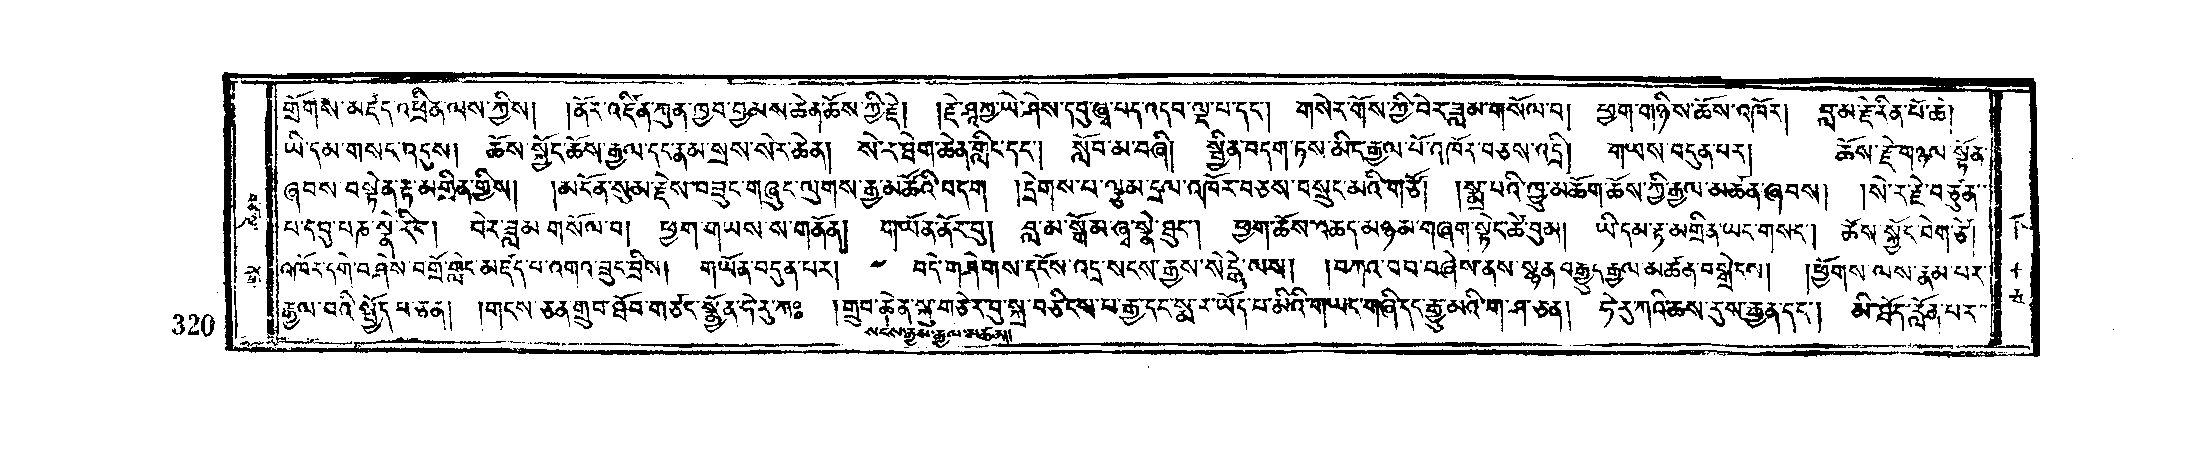གྲོགས་མཛད་འཕྲིན་ལས་ཀྱིས། །ནོར་འཛིན་ཀུན་ཁྱབ་བྱམས་ཆེན་ཆོས་ཀྱི་རྗེ། །རྗེ་ཤཱཀྱ་ཡེ་ཤེས་དབུ་ཞྭ་པད་འདབ་ལྔ་པ་དང་། གསེར་གོས་ཀྱི་བེར་ཟླ་མ་གསོལ་བ། ཕྱག་གཉིས་ཆོས་འཁོར། བླ་མ་རྗེ་རིན་པོ་ཆེ།
ཡི་དམ་གསང་འདུས། ཆོས་སྐྱོང་ཆོས་རྒྱལ་དང་རྣམ་སྲས་སེར་ཆེན། སེ་ར་ཐེག་ཆེན་གླིང་དང་། སློབ་མ་བཞི། སྦྱིན་བདག་ཏས་མིང་རྒྱལ་པོ་འཁོར་བཅས་འདྲི། གཡས་བདུན་པར། ཆོས་རྗེ་གཉལ་སྟོན་
ཞབས་བསྟེན་རྟ་མགྲིན་གྱིས། །མངོན་སུམ་རྗེས་བཟུང་གཞུང་ལུགས་རྒྱ་མཚོའི་བདག །དྲེགས་པ་ལྕམ་དྲལ་འཁོར་བཅས་བསྲུང་མའི་གཙོ། །སྨྲ་པའི་ཁྱུ་མཆོག་ཆོས་ཀྱི་རྒྱལ་མཚན་ཞབས། །སེ་ར་རྗེ་བཙུན་
པ་དབུ་པཎ་སྣེ་རིང་། བེར་ཟླམ་གསོལ་བ། ཕྱག་གཡས་ས་གནོན། གཡོན་ནོར་བུ། བླ་མ་སྒོམ་ཞྭ་སྣེ་ཐུང་། ཕྱག་ཆོས་འཆད་མཉམ་གཞག་སྟེང་ཚེ་བུམ། ཡི་དམ་རྟ་མགྲིན་ཡང་གསང་། ཆོས་སྐྱོང་བེག་ཙེ།
འཁོར་དགེ་བཤེས་བགྲོ་གླེང་མཛད་པ་འགའ་ཟུང་བྲིས། གཡོན་བདུན་པར། ༧་བདེ་གཤེགས་དངོས་འདྲ་སངས་རྒྱས་སེངྒེ་ལས། །བཀའ་བབ་བཞེས་ནས་སྙན་བརྒྱུད་རྒྱལ་མཚན་བསྒྲེངས། །ཕྱོགས་ལས་རྣམ་པར་
རྒྱལ་བའི་སྤྱོད་པ་ཅན། །གངས་ཅན་གྲུབ་ཐོབ་གཙང་སྨྱོན་ཧེ་རུ་ཀཿ །གྲུབ་ཆེན་སངས་རྒྱས་རྒྱལ་མཚན་སྐུ་གཅེར་བུ་སྐྲ་བཅིངས་པ་རྒྱ་དང་སྨ་ར་ཡོད་པ་མིའི་གཡང་གཞི་དང་རྒྱུ་མའི་ག་ཤ་ཅན། ཧེ་རུ་ཀའི་ཆས་རུས་རྒྱན་དང་། མི་ཐོད་རློན་པར་